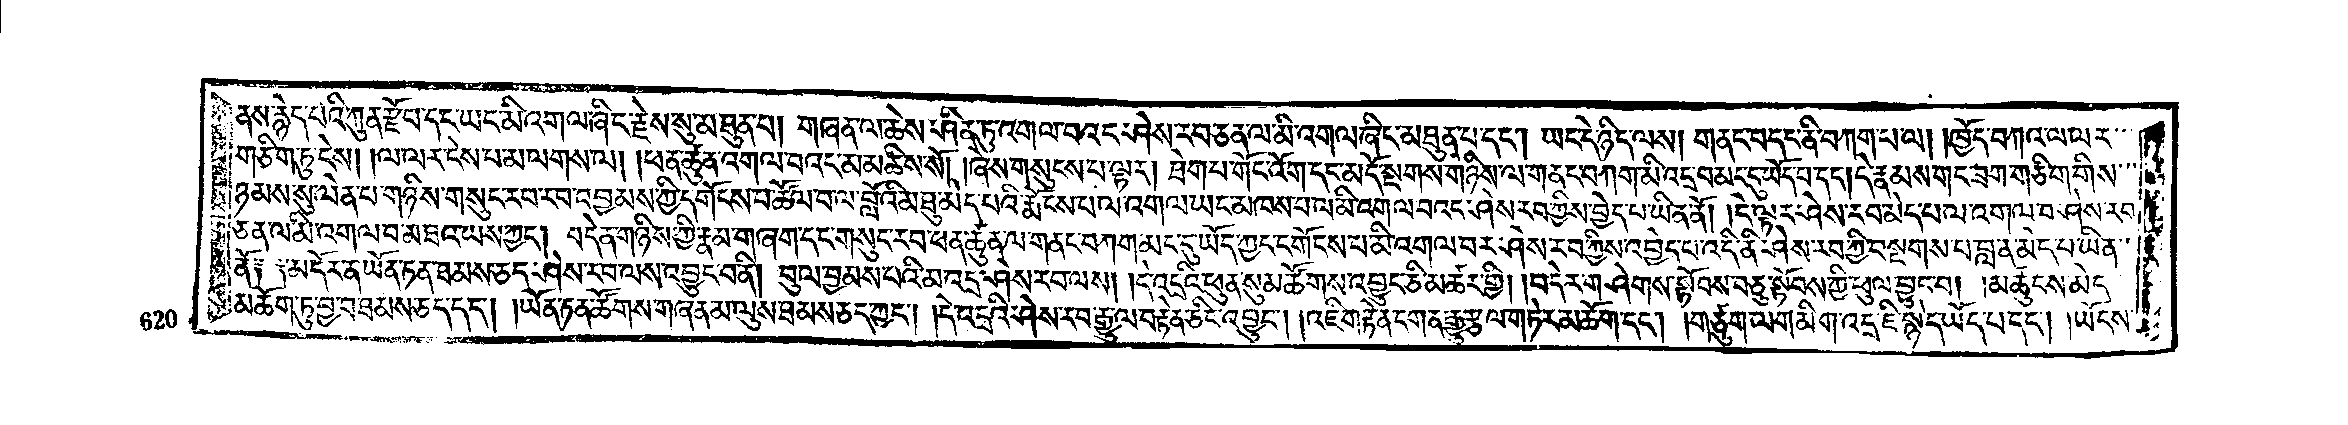ནས་རྙེད་པའི་ཀུན་རྫོབ་པ་དང་ཡང་མི་འགལ་ཞིང་རྗེས་སུ་མཐུན་པ། གཞན་ལ་ཆེས་ཤིན་ཏུ་འགལ་བའང་ཤེས་རབ་ཅན་ལ་མི་འགལ་ཞིང་མཐུན་པ་དང་། ཡང་དེ་ཉིད་ལས། གནང་བ་དང་ནི་བཀག་པ་ལ། །ཁྱོད་བཀའ་ལ་ལར་
གཅིག་ཏུ་ངེས། །ལ་ལར་ངེས་པ་མ་ལགས་ལ། །ཕན་ཚུན་འགལ་བའང་མ་མཆིས་སོ། །ཞེས་གསུངས་པ་ལྟར། ཐེག་པ་གོང་འོག་དང་མདོ་སྔགས་གཉིས་ལ་གནང་བཀག་མི་འདྲ་བ་མང་དུ་ཡོད་པ་དང་། དེ་རྣམས་གང་ཟག་གཅིག་གིས་
ཉམས་སུ་ལེན་པ་གཉིས་གསུང་རབ་རབ་འབྱམས་ཀྱི་དགོངས་པ་ཚོལ་བ་ལ་བློའི་མཐུ་མེད་པའི་རྨོངས་པ་ལ་འགལ་ཡང་མཁས་པ་ལ་མི་འགལ་བའང་ཤེས་རབ་ཀྱིས་བྱེད་པ་ཡིན་ནོ། །དེ་ལྟར་ཤེས་རབ་མེད་པ་ལ་འགལ་བ་ཤེས་རབ་
ཅན་ལ་མི་འགལ་བ་མཐའ་ཡས་ཀྱང་། བདེན་གཉིས་ཀྱི་རྣམ་གཞག་དང་གསུང་རབ་ཕན་ཚུན་ལ་གནང་བཀག་མང་དུ་ཡོད་ཀྱང་དགོངས་པ་མི་འགལ་བར་ཤེས་རབ་ཀྱིས་འབྱེད་པ་འདི་ནི་ཤེས་རབ་ཀྱི་བསྔགས་པ་བླ་ན་མེད་པ་ཡིན་
ནོ༑ ༑མདོར་ན་ཡོན་ཏན་ཐམས་ཅད་ཤེས་རབ་ལས་འབྱུང་བ་ནི། བུ་ལ་བྱམས་པའི་མ་འདྲ་ཤེས་རབ་ལས། །དེ་འདྲའི་ཕུན་སུམ་ཚོགས་འབྱུང་ཅི་མཚར་གྱི། །བདེར་གཤེགས་སྟོབས་བཅུ་སྟོབས་ཀྱི་ཕུལ་བྱུང་བ། །མཚུངས་མེད་
མཆོག་ཏུ་བྱ་བ་ཐམས་ཅད་དང་། །ཡོན་ཏན་ཚོགས་གཞན་མ་ལུས་ཐམས་ཅད་ཀྱང་། །དེ་འདྲའི་ཤེས་རབ་རྒྱུ་ལ་བརྟེན་ཅིང་འབྱུང་། །འཇིག་རྟེན་དག་ན་རྒྱུ་རྩལ་གཏེར་མཆོག་དང་། །གཙུག་ལག་མིག་འདྲ་ཇི་སྙེད་ཡོད་པ་དང་། །ཡོངས་